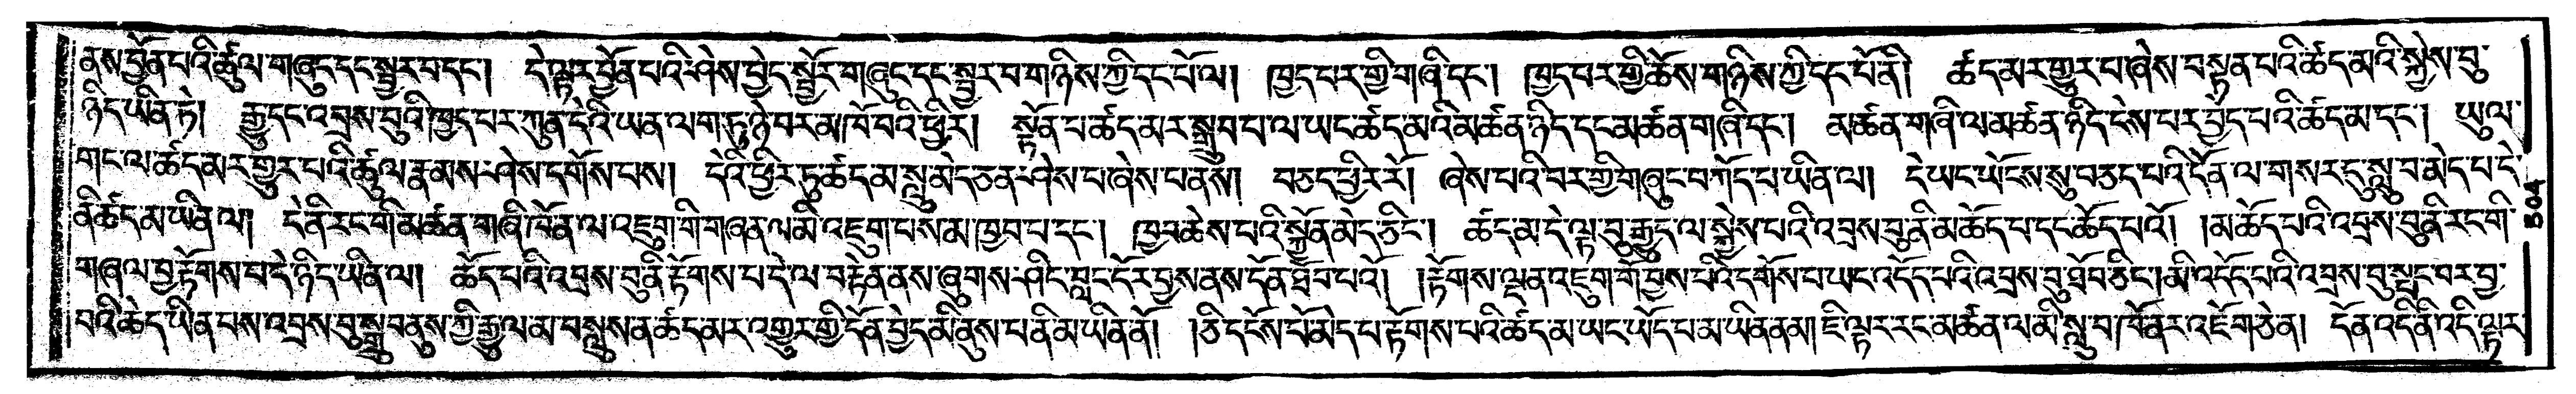ནས་བྱོན་པའི་ཚུལ་གཞུང་དང་སྦྱར་བ་དང་། དེ་ལྟར་བྱོན་པའི་ཤེས་བྱེད་སྦྱོར་གཞུང་དང་སྦྱར་བ་གཉིས་ཀྱི་དང་པོ་ལ། ཁྱད་པར་གྱི་གཞི་དང་། ཁྱད་པར་གྱི་ཆོས་གཉིས་ཀྱི་དང་པོ་ནི། ཚད་མར་གྱུར་པ་ཞེས་བསྟན་པའི་ཚད་མའི་སྐྱེས་བུ་
ཉིད་ཡིན་ཏེ། རྒྱུ་དང་འབྲས་བུའི་ཁྱད་པར་ཀུན་དེའི་ཡན་ལག་ཏུ་ཉེ་བར་མཁོ་བའི་ཕྱིར། སྟོན་པ་ཚད་མར་སྒྲུབ་པ་ལ་ཡང་ཚད་མའི་མཚན་ཉིད་དང་མཚན་གཞི་དང་། མཚན་གཞི་ལ་མཚན་ཉིད་ངེས་པར་བྱེད་པའི་ཚད་མ་དང་། ཡུལ་
གང་ལ་ཚད་མར་གྱུར་པའི་ཚུལ་རྣམས་ཤེས་དགོས་པས། དེའི་ཕྱིར་ཏུ་ཚད་མ་སླུ་མེད་ཅན་ཤེས་པ་ཞེས་པ་ནས། བཅད་ཕྱིར་རོ། ཞེས་པའི་བར་གྱི་གཞུང་བཀོད་པ་ཡིན་ལ། དེ་ཡང་ཡོངས་སུ་བཅད་པའི་དོན་ལ་གསར་དུ་སླུ་བ་མེད་པ་དེ་
ནི་ཚད་མ་ཡིན་ལ། དེ་ནི་རང་གི་མཚན་གཞི་ཁོ་ན་ལ་འཇུག་གི་གཞན་ལ་མི་འཇུག་པས་མ་ཁྱབ་པ་དང་། ཁྱབ་ཆེས་པའི་སྐྱོན་མེད་ཅིང་། ཚད་མ་དེ་ལྟ་བུ་རྒྱུད་ལ་སྐྱེས་པའི་འབྲས་བུ་ནི་མཆོད་པ་དང་ཆོད་པའོ། །མ་ཆོད་པའི་འབྲས་བུ་ནི་རང་གི་
གཞལ་བྱ་རྟོགས་པ་དེ་ཉིད་ཡིན་ལ། ཆོད་པའི་འབྲས་བུ་ནི་རྟོགས་པ་དེ་ལ་བརྟེན་ནས་ཞུགས་ཤིང་བླང་དོར་བྱས་ནས་དོན་ཐོབ་པའོ། །རྟོགས་ལྡན་འཇུག་གོ་བྱས་པའི་དགོས་པ་ཡང་འདོད་པའི་འབྲས་བུ་ཐོབ་ཅིང་། མི་འདོད་པའི་འབྲས་བུ་སྤང་བར་བྱ་
བའི་ཆེད་ཡིན་པས་འབྲས་བུ་སྒྲུབ་ནུས་ཀྱི་རྒྱུ་ལ་མ་བསླུས་ན་ཚད་མར་འགྱུར་གྱི་དོན་བྱེད་མི་ནུས་པ་ནི་མ་ཡིན་ནོ། །ཅི་དངོས་པོ་མེད་པ་རྟོགས་པའི་ཚད་མ་ཡང་ཡོད་པ་མ་ཡིན་ནམ། ཇི་ལྟར་རང་མཚན་ལ་མི་སླུ་བ་ཁོ་ནར་འཇོག་ཅེ་ན། དོན་འདི་ནི་འདི་ལྟར་